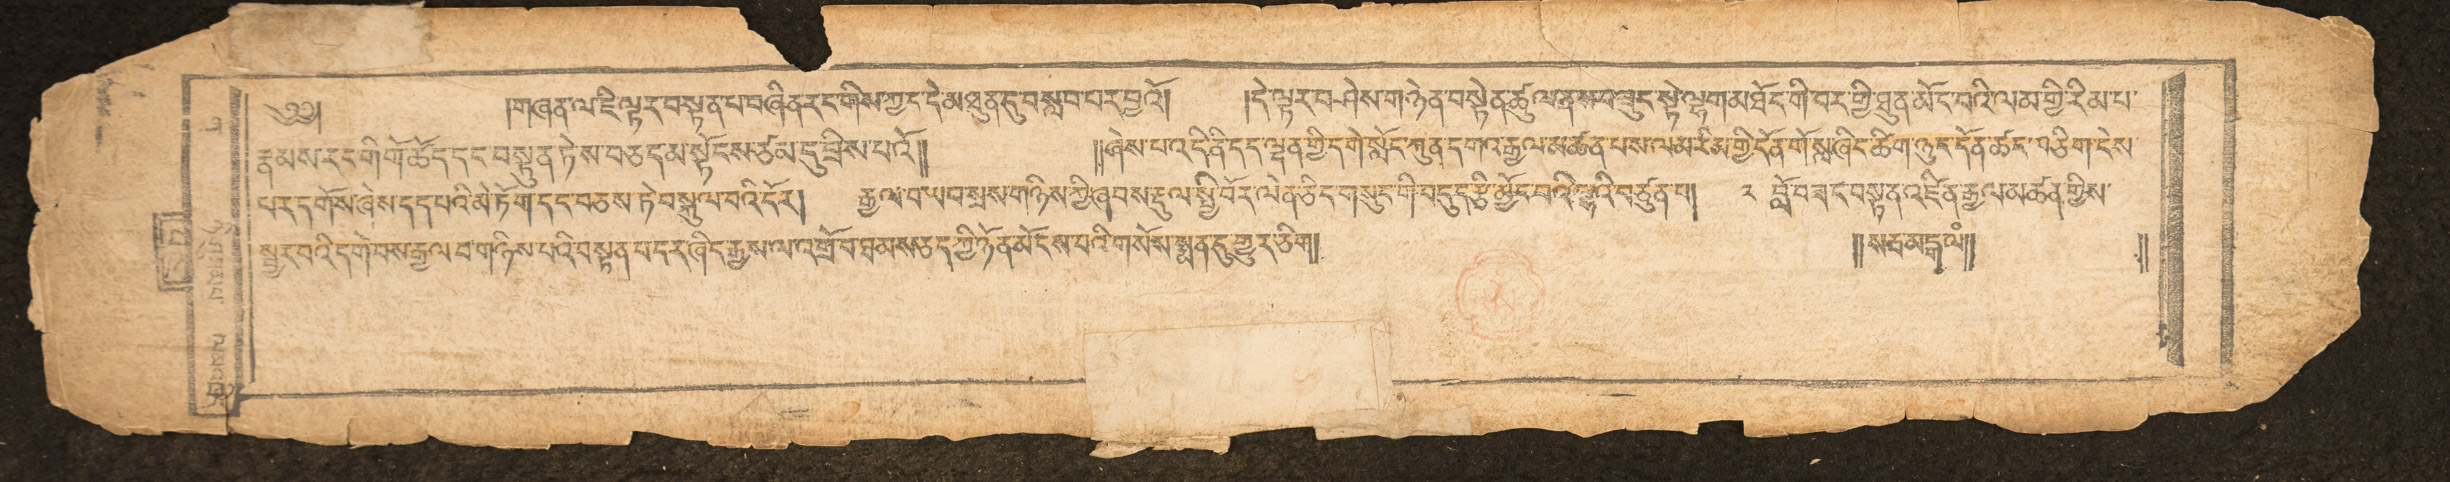༄༅། །གཞན་ལ་ཇི་ལྟར་བསྟན་པ་བཞིན་རང་གིས་ཀྱང་དེ་མཐུན་དུ་བསླབ་པར་བྱའོ། །དེ་ལྟར་བཤེས་གཉེན་བསྟེན་ཚུལ་ནས་བཟུང་སྟེ་ལྷག་མཐོང་གི་བར་གྱི་ཐུན་མོང་བའི་ལམ་གྱི་རིམ་པ་
རྣམས་རང་གི་གོ་ཚོད་དང་བསྟུན་ཏེ་ས་བཅད་མ་སྟོངས་ཙམ་དུ་བྲིས་པའོ།། །།ཞེས་པ་འདི་ནི་དད་ལྡན་གྱི་དགེ་སློང་ཀུན་དགའ་རྒྱལ་མཚན་པས་ལམ་རིམ་གྱི་དོན་གོ་སླ་ཞིང་ཚིག་ཉུང་དོན་ཚང་གཅིག་ངེས་
པར་དགོས་ཞེས་དད་པའི་མེ་ཏོག་དང་བཅས་ཏེ་བསྐུལ་བའི་ངོར། རྒྱལ་བ་ཡབ་སྲས་གཉིས་ཀྱི་ཞབས་རྡུལ་སྤྱི་བོར་ལེན་ཅིང་གསུང་གི་བདུད་རྩི་མྱོང་བའི་ལྷའི་བཙུན་པ། ༧བློ་བཟང་བསྟན་འཛིན་རྒྱལ་མཚན་གྱིས་
སྦྱར་བའི་དགེ་བས་རྒྱལ་བ་གཉིས་པའི་བསྟན་པ་ངར་ཞིང་རྒྱས་ལ་འགྲོ་བ་ཐམས་ཅད་ཀྱི་ཉོན་མོངས་པའི་གསོས་སྨན་དུ་གྱུར་ཅིག། །།སརྦ་མངྒ་ལཾ།། །།